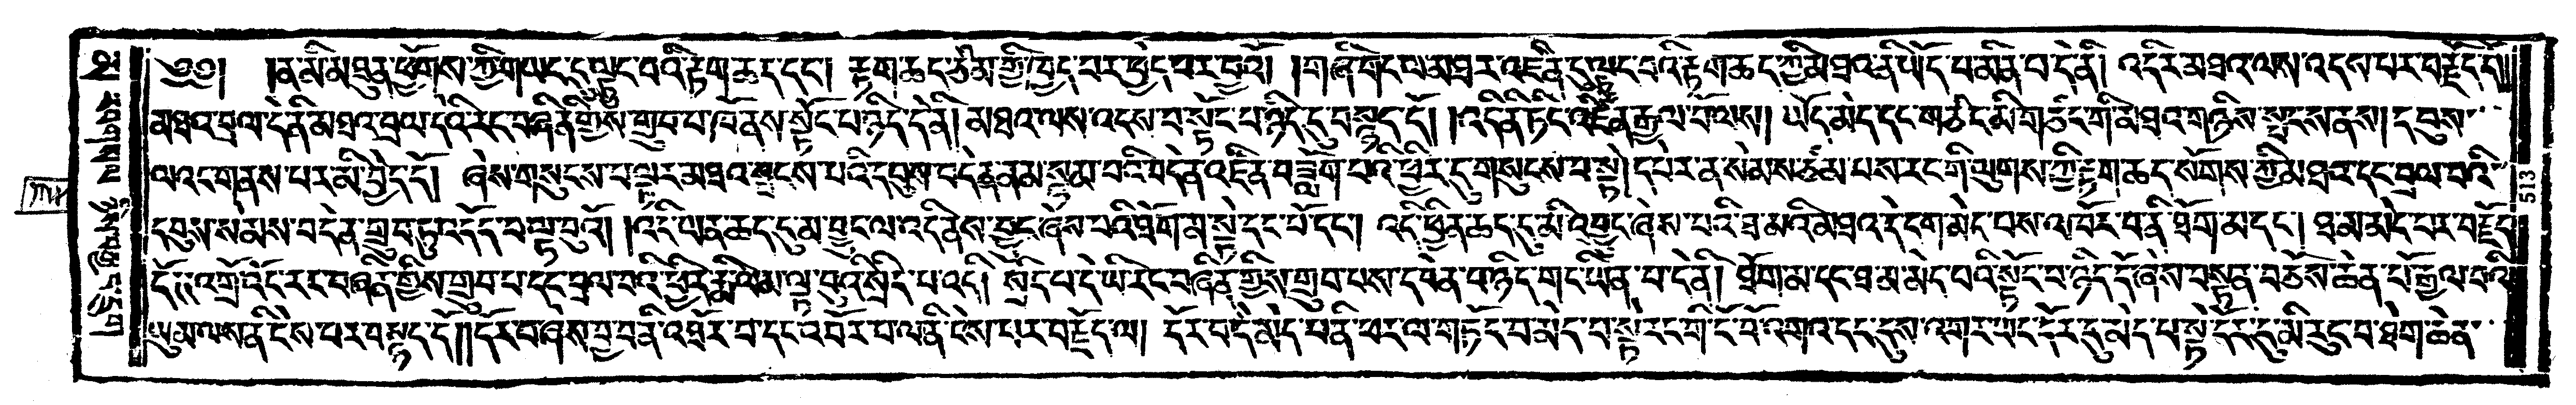༄༅། །ན་མི་མཐུན་ཕྱོགས་ཀྱི་གཡང་དུ་ལྟུང་བའི་རྟག་ཆད་དང་། རྟག་ཆད་ཙམ་གྱི་ཁྱད་པར་ཕྱེད་པར་བྱའོ། །གཞི་གང་ལ་མཐར་འཛིན་དུ་ལྟུང་བའི་རྟག་ཆད་ཀྱི་མཐའ་ནི་ཡོད་པ་མིན་པ་དེ་ནི། འདིར་མཐའ་ལས་འདས་པར་བརྗོད་དོ།།
མཐའ་བྲལ་དེ་ནི་མཐའ་བྲལ་དེའི་རང་བཞིན་གྱིས་གྲུབ་པ་ཁོ་ནས་སྟོང་པ་ཉིད་དེ་ནི། མཐའ་ལས་འདས་པ་སྟོང་པ་ཉིད་དུ་བསྙད་དོ། །འདི་ནི་ཏིང་འཛིན་རྒྱལ་པོ་ལས། ཡོད་མེད་དང་གཙང་མི་གཙང་གི་མཐའ་གཉིས་སྤངས་ནས། དབུས་
ལའང་གནས་པར་མི་བྱེད་དོ། ཞེས་གསུངས་པ་ལྟར་མཐའ་སྤངས་པའི་དབུས་བདེན་ནམ་སྙམ་པའི་བདེན་འཛིན་བཟློག་པའི་ཕྱིར་དུ་གསུངས་པ་སྟེ། དཔེར་ན་སེམས་ཙམ་པས་རང་གི་ལུགས་ཀྱི་རྟག་ཆད་སོགས་ཀྱི་མཐའ་དང་བྲལ་བའི་
དབུས་སེམས་བདེན་གྲུབ་ཏུ་འདོད་པ་ལྟ་བུའོ། །འདི་ཡན་ཆད་དུ་མ་བྱུང་ལ་འདི་ནས་བྱུང་ཞེས་པའི་ཐོག་མ་སྟེ་དང་པོ་དང་། འདི་ཕྱིན་ཆད་དུ་མི་འབྱུང་ཞེས་པའི་ཐ་མའི་མཐའ་དེ་དག་མེད་པས་འཁོར་བ་ནི་ཐོག་མ་དང་། ཐ་མ་མེད་པར་བརྗོད་
དོ༑ ༑འགྲོ་འོང་རང་བཞིན་གྱིས་གྲུབ་པ་དང་བྲལ་བའི་ཕྱིར་རྨི་ལམ་ལྟ་བུའི་སྲིད་པ་འདི། སྲིད་པ་དེ་ཡི་རང་བཞིན་གྱིས་གྲུབ་པས་དབེན་པ་ཉིད་གང་ཡིན་པ་དེ་ནི། ཐོག་མ་དང་ཐ་མ་མེད་པའི་སྟོང་པ་ཉིད་དོ་ཞེས་བསྟན་བཅོས་ཆེན་པོ་རྒྱལ་བའི་
ཡུམ་ལས་ནི་ངེས་པར་བསྙད་དོ། །དོར་བ་ཞེས་བྱ་བ་ནི་འཐོར་བ་དང་འབོར་བ་ལ་ནི་ངེས་པར་བརྗོད་ལ། དོར་བ་དེ་མེད་པ་ནི་ཕར་ལ་གཏོང་བ་མེད་པ་སྟེ་རང་གི་ངོ་བོ་འགའ་དང་དུས་འགར་ཡང་དོར་དུ་མེད་པ་སྟེ་དོར་དུ་མི་རུང་བ་ཐེག་ཆེན་